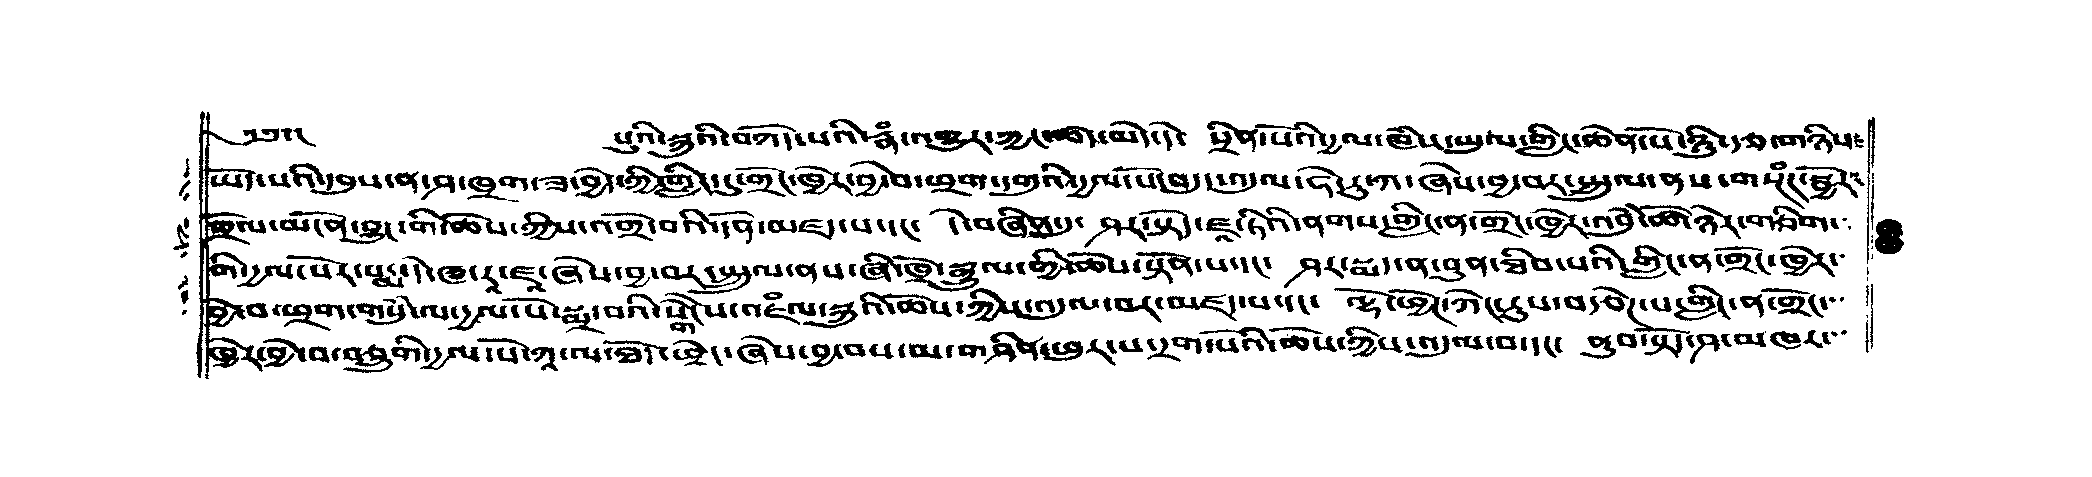པུའི་སྐུའི་བཀོད་པའི་རྣམ་འགྱུར་ཀྱང་ཚད་མེད་དེ། སྲིན་པོའི་རྒྱལ་ཁམས་ཡུལ་གླིང་ཆེན་པོ་ཉི་ཤུ་རྩ་གཉིས་
ཡོད་པའི་དབུས་ན་ཤ་ཁྲག་ཟ་བྱེད་ཀྱི་གླིང་དུ་གྲོང་ཁྱེར་བྱེ་བ་ཕྲག་དགུའི་རྒྱལ་པོ་བདུད་བདུལ་ཧེ་རུ་ཀ་ཞེས་བྱ་བར་སྤྲུལ་ནས་གསང་སྔགས་སྦྱོར་
གྲོལ་མངོན་བྱུང་གི་ཆོས་ཀྱིས་འགྲོ་བའི་དོན་མཛད་པ་དང་། དེ་བཞིན་དུ་ཤར་སྟོད་ཛཱ་ཏིའི་ནགས་གླིང་ན་གྲོང་ཁྱེར་འབུམ་ཚོ་ཉེར་གཅིག་
གི་རྒྱལ་པོར་པདྨ་དེ་ཝ་རཱ་ཛཱ་ཞེ་བྱ་བར་སྤྲུལ་ནས་ཞི་ཁྲོ་སྒྱུ་འཕྲུལ་གྱི་ཆོས་སྟོན་པ་དང་། ཤར་སྨད་ན་བུན་ཐིབ་པའི་གླིང་བ་གྲོང་ཁྱེར་
བྱེ་བ་ཕྲག་གསུམ་ལ་རྒྱལ་པོ་སྨྲ་བའི་སེང་གེས་འཇམ་དཔལ་སྐུའི་ཆོས་ཀྱིས་འདུལ་བར་མཛད་པ་དང་། ལྷོ་ཕྱོགས་ཀེང་རུས་བརྩེགས་པ་གླིང་ན་གྲོང་
ཁྱེར་བྱེ་བ་བཅུ་དྲུག་གི་རྒྱལ་པོ་ཀཱ་ལ་ཐོད་ཕྲེང་ཞེས་བྱ་བས་མ་གཤིན་ཕུར་པ་དྲག་པོའི་ཆོས་ཀྱིས་འདུལ་བ་དང་། ནུབ་སྟོད་ཤ་མཁར་